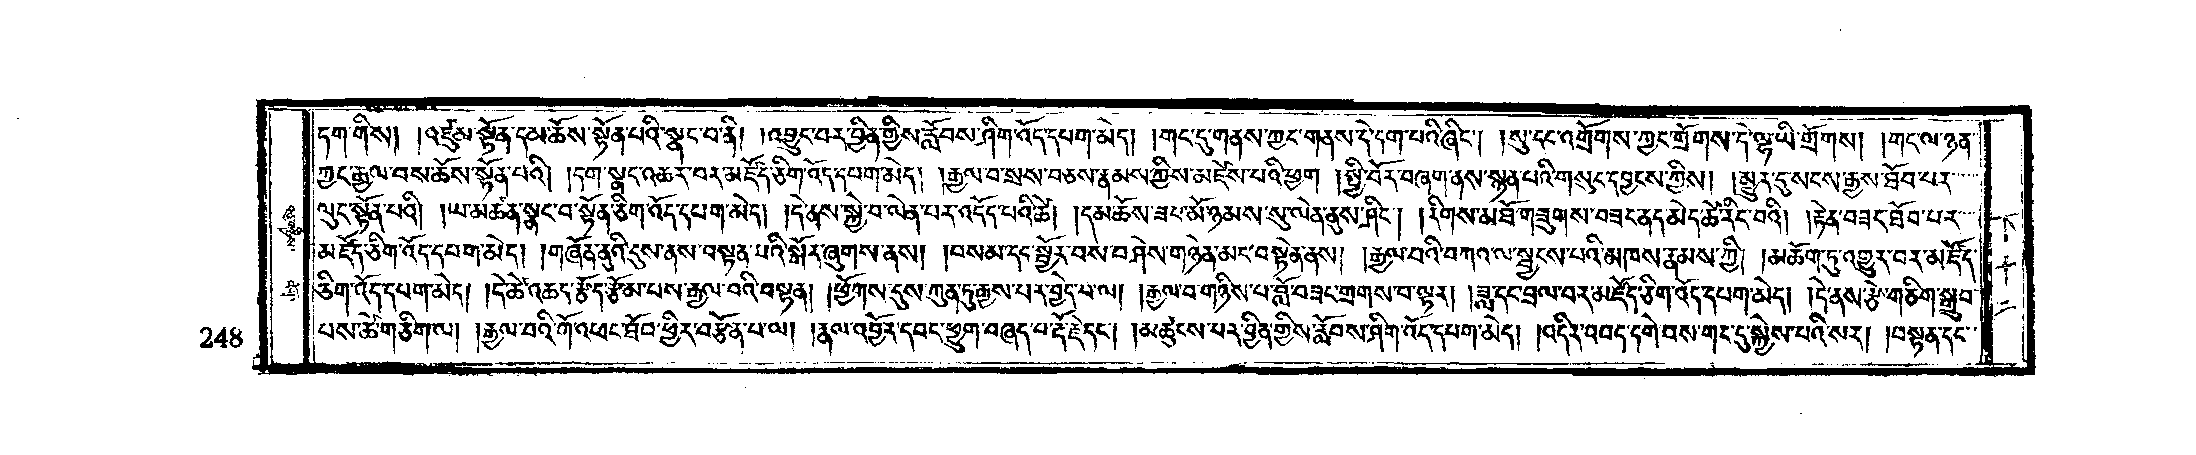དག་གིས། །འཛུམ་སྟོན་དམ་ཆོས་སྟོན་པའི་སྣང་བ་ནི། །འབྱུང་བར་བྱིན་གྱིས་རློབས་ཤིག་འོད་དཔག་མེད། །གང་དུ་གནས་ཀྱང་གནས་དེ་དག་པའི་ཞིང་། །སུ་དང་འགྲོགས་ཀྱང་གྲོགས་དེ་ལྷ་ཡི་གྲོགས། །གང་ལ་ཉན་
ཀྱང་རྒྱལ་བས་ཆོས་སྟོན་པའི། །དག་སྣང་འཆར་བར་མཛོད་ཅིག་འོད་དཔག་མེད། །རྒྱལ་བ་སྲས་བཅས་རྣམས་ཀྱིས་མཛེས་པའི་ཕྱག །སྤྱི་བོར་བཞག་ནས་སྙན་པའི་གསུང་དབྱངས་ཀྱིས། །མྱུར་དུ་སངས་རྒྱས་ཐོབ་པར་
ལུང་སྟོན་པའི། །ཡ་མཚན་སྣང་བ་སྟོན་ཅིག་འོད་དཔག་མེད། །དེ་ནས་སྐྱེ་བ་ལེན་པར་འདོད་པའི་ཚེ། །དམ་ཆོས་ཟབ་མོ་ཉམས་སུ་ལེན་ནུས་ཤིང་། །རིགས་མཐོ་གཟུགས་བཟང་ནད་མེད་ཚེ་རིང་བའི། །རྟེན་བཟང་ཐོབ་པར་
མཛོད་ཅིག་འོད་དཔག་མེད། །གཞོན་ནུའི་དུས་ནས་བསྟན་པའི་སྒོར་ཞུགས་ནས། །བསམ་དང་སྦྱོར་བས་བཤེས་གཉེན་མང་བསྟེན་ནས། །རྒྱལ་བའི་བཀའ་ལ་སྦྱངས་པའི་མཁས་རྣམས་ཀྱི། །མཆོག་ཏུ་འགྱུར་བར་མཛོད་
ཅིག་འོད་དཔག་མེད། །དེ་ཚེ་འཆད་རྩོད་རྩོམ་པས་རྒྱལ་བའི་བསྟན། །ཕྱོགས་དུས་ཀུན་ཏུ་རྒྱས་པར་བྱེད་པ་ལ། །རྒྱལ་བ་གཉིས་པ་བློ་བཟང་གྲགས་པ་ལྟར། །ཟླ་དང་བྲལ་བར་མཛོད་ཅིག་འོད་དཔག་མེད། །དེ་ནས་རྩེ་གཅིག་སྒྲུབ་
པས་ཚེ་གཅིག་ལ། །རྒྱལ་བའི་གོ་འཕང་ཐོབ་ཕྱིར་བརྩོན་པ་ལ། །རྣལ་འབྱོར་དབང་ཕྱུག་བཞད་པ་རྡོ་རྗེ་དང་། །མཚུངས་པར་བྱིན་གྱིས་རློབས་ཤིག་འོད་དཔག་མེད། །འདིར་འབད་དགེ་བས་གང་དུ་སྐྱེས་པའི་སར། །བསྟན་དང་